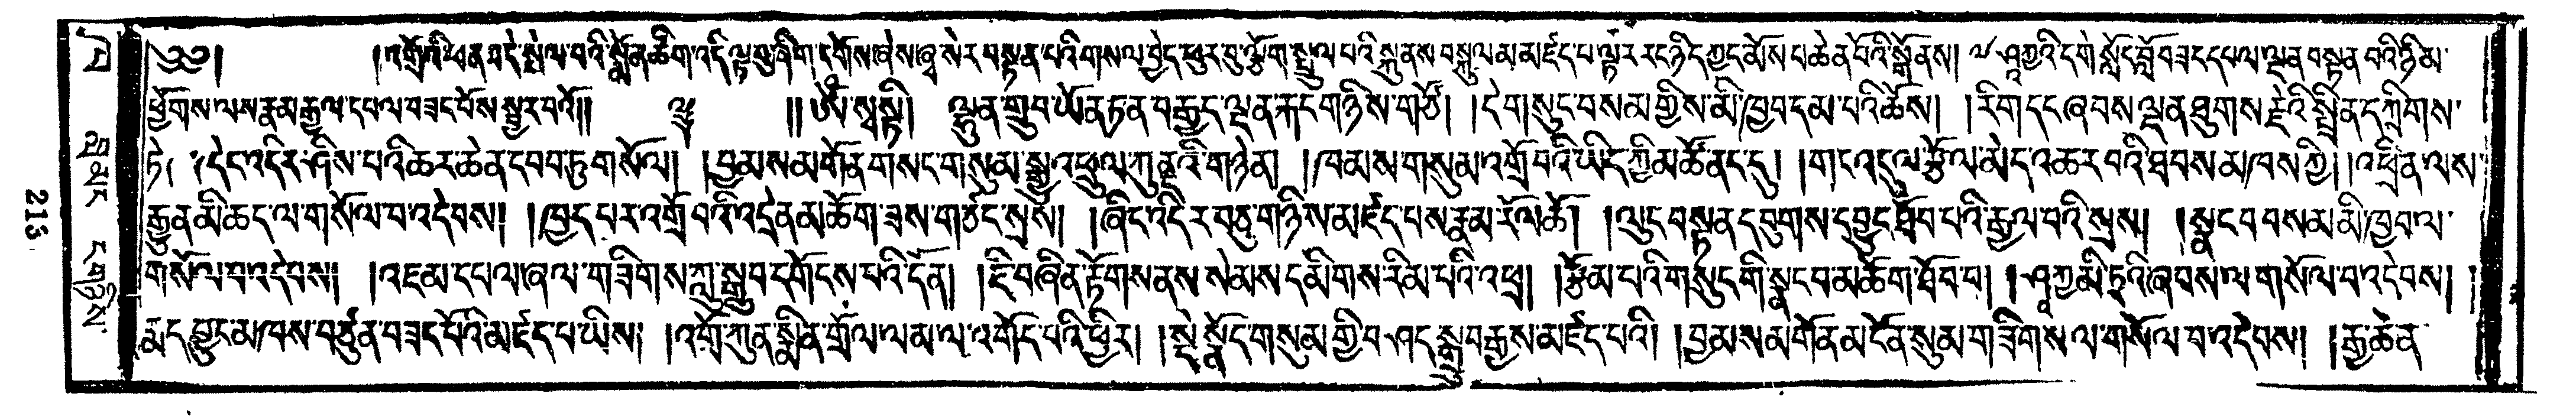༄༅། །འགྲོའི་ཕན་བདེ་སྤེལ་བའི་སྨོན་ཚིག་འདི་ལྟ་བུ་ཞིག་དགོས་ཞེས་ཞྭ་སེར་བསྟན་པའི་གསལ་བྱེད་ཕུར་བུ་ལྕོག་སྤྲུལ་པའི་སྐུ་ནས་བསྐུལ་མ་མཛད་པ་ལྟར་རང་ཉིད་ཀྱང་མོས་པ་ཆེན་པོའི་སྒོ་ནས། ༧་ཤཱཀྱའི་དགེ་སློང་བློ་བཟང་དཔལ་ལྡན་བསྟན་བའི་ཉི་མ་
ཕྱོགས་ལས་རྣམ་རྒྱལ་དཔལ་བཟང་པོས་སྦྱར་བའོ།། ༈ །།ཨོཾ་སྭ་སྟི། ལྷུན་གྲུབ་ཡོན་ཏན་བརྒྱད་ལྡན་རྐང་གཉིས་གཙོ། །དེ་གསུང་བསམ་གྱིས་མི་ཁྱབ་དམ་པའི་ཆོས། །རིག་དང་ཞབས་ལྡན་ཐུགས་རྗེའི་སྤྲིན་དཀྲིགས་
ཏེ༑ ༑དེང་འདིར་ཤིས་པའི་ཆར་ཆེན་དབབ་ཏུ་གསོལ། །བྱམས་མགོན་གསང་གསུམ་སྒྱུ་འཕྲུལ་ཀུནྡའི་གཉེན། །ཁམས་གསུམ་འགྲོ་བའི་ཡིད་ཀྱི་མཚོ་ནང་དུ། །གང་འདུལ་རྩོལ་མེད་འཆར་བའི་ཐབས་མཁས་ཀྱི། །འཕྲིན་ལས་
རྒྱུན་མི་ཆད་ལ་གསོལ་བ་འདེབས། །ཁྱད་པར་འགྲོ་བའི་འདྲེན་མཆོག་ཟས་གཙང་སྲས། །ཞིང་འདིར་བཅུ་གཉིས་མཛད་པས་རྣམ་རོལ་ཆོ། །ལུང་བསྟན་དབུགས་དབྱུང་ཐོབ་པའི་རྒྱལ་བའི་སྲས། །སྣང་བ་བསམ་མི་ཁྱབ་ལ་
གསོལ་བ་འདེབས། །འཇམ་དཔལ་ཞལ་གཟིགས་ཀླུ་སྒྲུབ་དགོངས་པའི་དོན། །ཇི་བཞིན་རྟོགས་ནས་སེམས་དམིགས་རིམ་པའི་འཕྲ། །རྩོམ་པའི་གསུང་གི་སྣང་བ་མཆོག་ཐོབ་བ། །ཤཱཀྱ་མི་ཏྲའི་ཞབས་ལ་གསོལ་བ་འདེབས། །
རྨད་བྱུང་མཁས་བཙུན་བཟང་པོའི་མཛད་པ་ཡིས། །འགྲོ་ཀུན་སྨིན་གྲོལ་ལམ་ལ་འགོད་པའི་ཕྱིར། །སྡེ་སྣོད་གསུམ་གྱི་བཤད་སྒྲུབ་རྒྱས་མཛད་པའི། །བྱམས་མགོན་མངོན་སུམ་གཟིགས་ལ་གསོལ་བ་འདེབས། །རྒྱ་ཆེན་